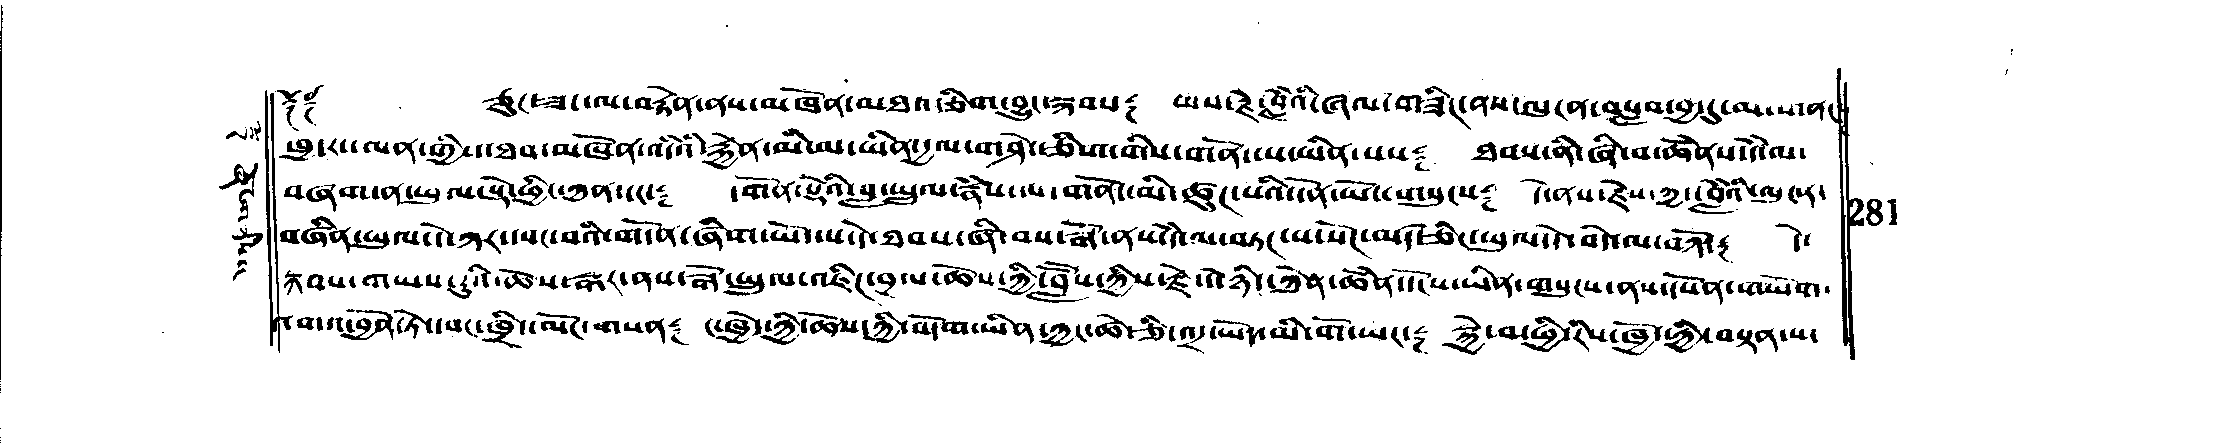ཅུང་ཟད་ལ་བརྟེན་ནས་མཁོན་མཐའ་ཅིག་བྱུང་སྐབས། ཡབ་རྗེ་བླ་མའི་ཞལ་གཟིགས་ནས་ལུང་བསྟན་བསླབ་བྱ་དུ་མ་གནང་། 
ཁྱད་པར་ད་ལན་གྱི་འཐབ་མཁོན་འདིའི་རྐྱེན་མི་མ་ཡིན་རྒྱལ་གཤེད་ཅིག་གིས་གནོད་པ་ཡིན་པས། ཐབས་ནི་ཞི་བ་ཆེན་པོས་དམ་ལ་
བཞག་ན་ཡུལ་སྡེ་ཕྱི་ནང་ཀུན་དང་། དགོན་སྡེའི་བླ་སྤྲུལ་རྣམས་ལ་གནོད་མི་ཚུགས་པའི་དོན་ཡོད་གསུངས། དེ་ནས་རྗེས་ཀྱང་བླ་མའི་ལུང་བསྟན་
བཞིན་ཡུལ་དེ་ཀར་དབང་བའི་གདོན་ཞིག་ཡོད་པ་དེ་ཐབས་ཞི་བས་སྒོ་ནས་དམ་ལ་བཏགས་པ་སོགས་མཛད་ཅིང་ཡུལ་དེ་བདེ་ལ་བཀོད། དེ་
སྐབས་གཡས་རུའི་ཆོས་སྒར་ནས་སྒོ་སྤྲུལ་འཇིགས་བྲལ་ཆོས་ཀྱི་བློ་གྲོས་ཀྱིས་རྗེ་དེ་ཉིད་ཀུན་མཁྱེན་ཆེན་པོ་དངོས་ཡིན་གསུངས་ནས་དཔོན་གཡོག་
འགའ་བྱོན་ཏེ་དབང་ཁྲིད་མང་པོ་གསན། ང་ཁྱོད་ཀྱི་ཆོས་ཀྱི་བདག་པོ་ཡིན་ཀྱང་ཚེ་ཅི་འདྲ་ཡོད་མི་གོ་ཡང་། སྐྱེ་བ་ཕྱི་རིས་ཁྱོད་ཀྱི་བསྟན་པ་